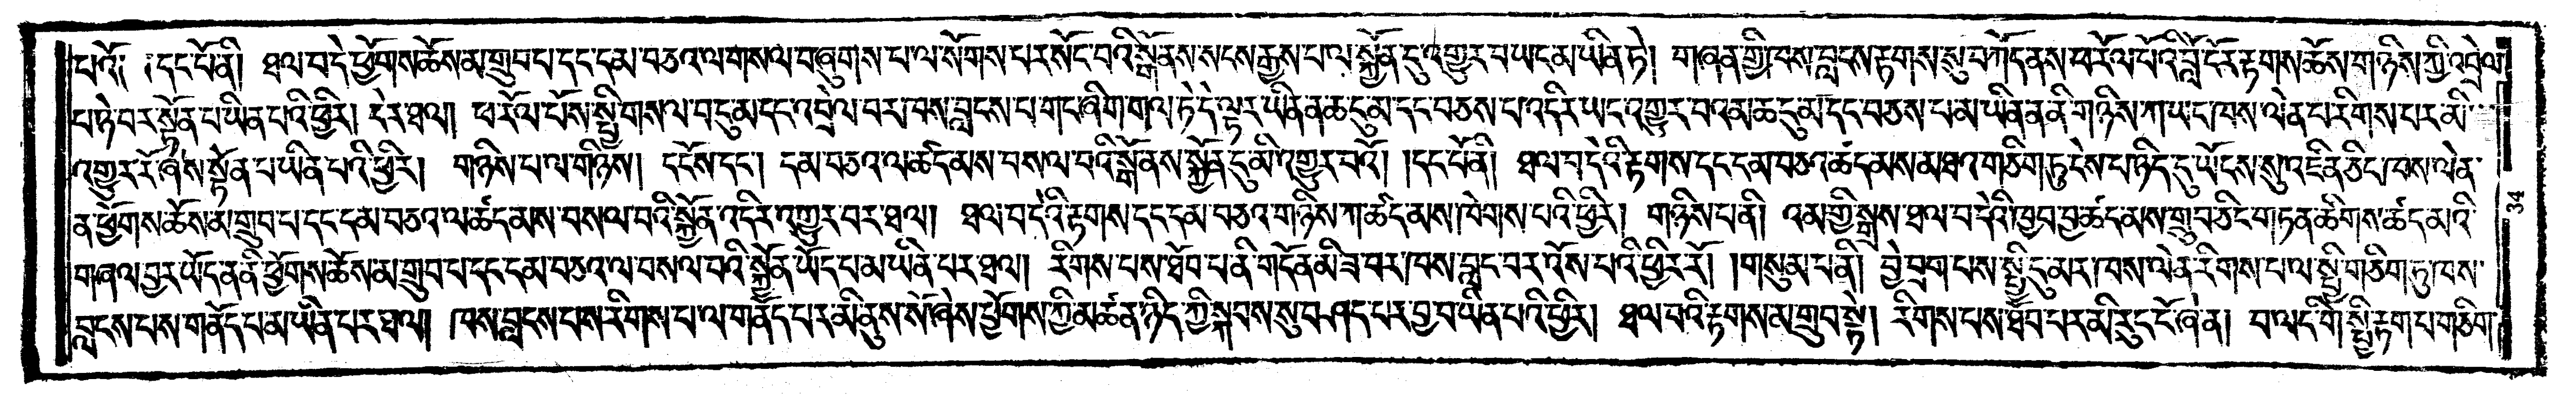པའོ༑ ༑དང་པོ་ནི། ཐལ་བ་དེ་ཕྱོགས་ཆོས་མ་གྲུབ་པ་དང་དམ་བཅའ་ལ་གསལ་བ་ཞུགས་པ་ལ་སོགས་པར་སོང་བའི་སྒོ་ནས་སངས་རྒྱས་པ་ལ་སྐྱོན་དུ་འགྱུར་བ་ཡང་མ་ཡིན་ཏེ། གཞན་གྱི་ཁས་བླངས་རྟགས་སུ་བཀོད་ནས་ཕ་རོལ་པོའི་བློ་ངོར་རྟགས་ཆོས་གཉིས་ཀྱི་འབྲེལ་
པ་ཉེ་བར་སྟོན་པ་ཡིན་པའི་ཕྱིར། དེར་ཐལ། ཕ་རོལ་པོས་སྤྱི་གསལ་བ་དུ་མ་དང་འབྲེལ་བར་ཁས་བླངས་པ་གང་ཞིག་གལ་ཏེ་དེ་ལྟར་ཡིན་ན་ཆ་དུ་མ་དང་བཅས་པ་འདིར་ཡང་འགྱུར་བའམ་ཆ་དུ་མ་དང་བཅས་པ་མ་ཡིན་ན་ནི་གཉིས་ཀ་ཡང་ཁས་ལེན་པ་རིགས་པར་མི་
འགྱུར་རོ་ཞེས་སྟོན་པ་ཡིན་པའི་ཕྱིར། གཉིས་པ་ལ་གཉིས། དངོས་དང་། དམ་བཅའ་ལ་ཚད་མས་བསལ་བའི་སྒོ་ནས་སྐྱོན་དུ་མི་འགྱུར་པའོ། །དང་པོ་ནི། ཐལ་བ་དེའི་རྟགས་དང་དམ་བཅའ་ཚད་མས་མཐའ་གཅིག་ཏུ་ངེས་པ་ཉིད་དུ་ཡོངས་སུ་འཛིན་ཅིང་ཁས་ལེན་
ན་ཕྱོགས་ཆོས་མ་གྲུབ་པ་དང་དམ་བཅའ་ལ་ཚད་མས་བསལ་བའི་སྐྱོན་འདིར་འགྱུར་བར་ཐལ། ཐལ་བ་དེའི་རྟགས་དང་དམ་བཅའ་གཉིས་ཀ་ཚད་མས་ཁེགས་པའི་ཕྱིར། གཉིས་པ་ནི། འམ་གྱི་སྒྲས་ཐལ་བ་དེའི་ཁྱབ་བྱ་ཚད་མས་གྲུབ་ཅིང་གཏན་ཚིགས་ཚད་མའི་
གཞལ་བྱར་ཡོད་ན་ནི་ཕྱོགས་ཆོས་མ་གྲུབ་པ་དང་དམ་བཅའ་ལ་བསལ་བའི་སྐྱོན་ཡོད་པ་མ་ཡིན་པར་ཐལ། རིགས་པས་ཐོབ་པ་ནི་གདོན་མི་ཟ་བར་ཁས་བླངས་པར་འོས་པའི་ཕྱིར་རོ། །གསུམ་པ་ནི། བྱེ་བྲག་པས་སྤྱིད་དུ་མར་ཁས་ལེན་རིགས་པ་ལ་སྤྱི་གཅིག་ཏུ་ཁས་
བླངས་པས་གནོད་པ་མ་ཡིན་པར་ཐལ། ཁས་བླངས་པས་རིགས་པ་ལ་གནོད་པར་མི་ནུས་སོ་ཞེས་ཕྱོགས་ཀྱི་མཚན་ཉིད་ཀྱི་སྐབས་སུ་བཤད་པར་བྱ་བ་ཡི་པའི་ཕྱིར། ཐལ་བའི་རྟགས་མ་གྲུབ་སྟེ། རིགས་པས་ཐོབ་པར་མི་རུང་ངོ་ཞེ་ན། བ་ལང་གི་སྤྱི་རྟག་པ་གཅིག་